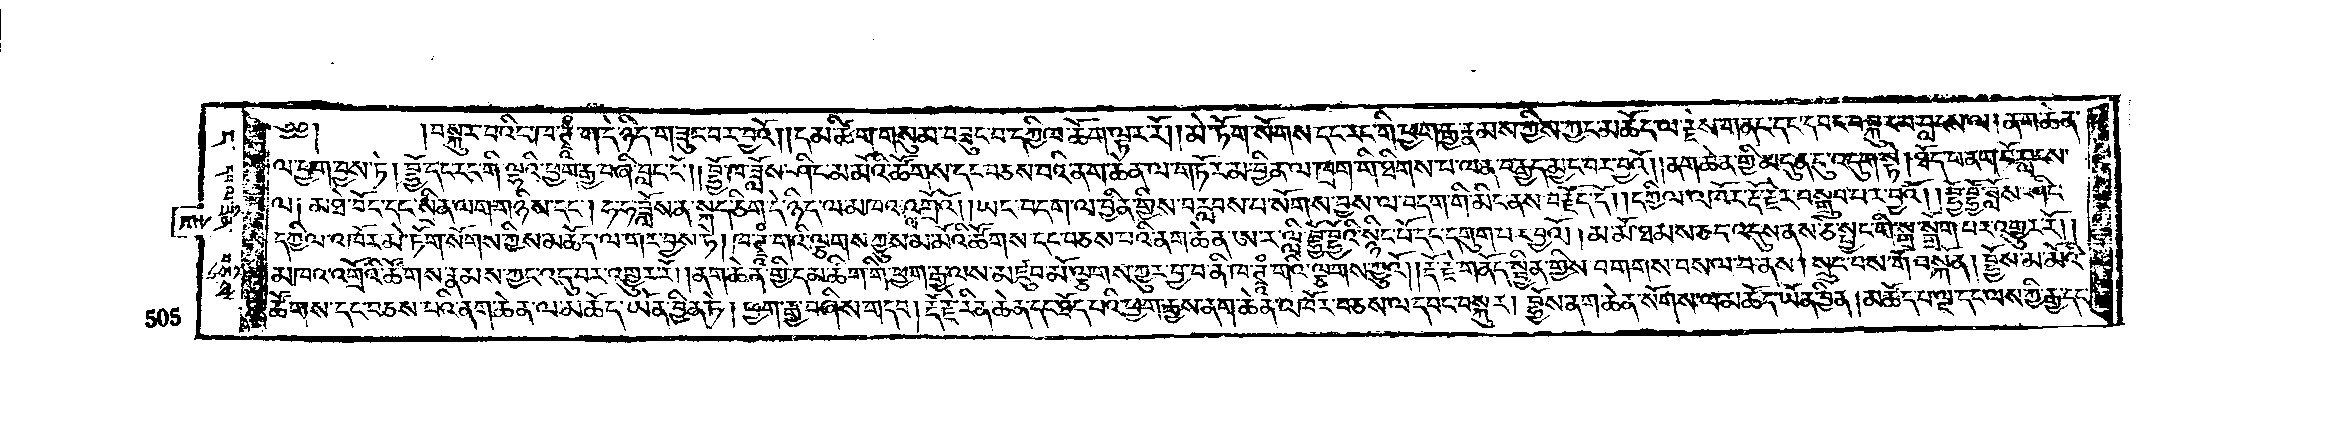༄༅། །བསྐུར་བའིང་?་ཁ་ཊྭཱཾ་ག་དེ་ཉིད་གཟུང་བར་བྱའོ། །དམ་ཚིག་གསུམ་བཟུང་བ་དཀྱིལ་ཆོག་ལྟར་རོ། །མེ་ཏོག་སོགས་དང་རང་གི་ཕྱག་རྒྱ་རྣམས་ཀྱིས་ཀྱང་མཆོད་ལ་རྗེས་གནང་དང་དབང་བསྐུར་བ་བླངས་ལ། ནག་ཆེན་
ལ་ཕྱག་བྱས་ཏེ། བྷྱོ་དང་རང་གི་ལྷའི་ཕྱག་རྒྱ་བཞི་བླང་ངོ། །བྷྱོ་ཁ་ཟློས་ཤིང་མ་མོའི་ཚོགས་དང་བཅས་པའི་ནག་ཆེན་ལ་གཏོར་མ་བྱིན་ལ་ཁྲག་གི་ཐིགས་པ་ལན་བརྒྱད་མྱང་བར་བྱའོ། །ནག་ཆེན་གྱི་མདུན་དུ་འདུག་སྟེ། ཐོད་པ་ནག་པོ་བླངས་
ལ། མཐེ་བོང་དང་སྲིན་ལག་གཉིས་དང་། ཧ་ཧ་ཟློས་ན་སྐད་ཅིག་དེ་ཉིད་ལ་མཁའ་ལ་འགྲོའོ། །ཡང་བདག་ལ་བྱིན་གྱིས་བརླབས་པ་སོགས་བྱས་ལ་བདག་གི་མིང་ནས་བརྗོད་དོ། །དཀྱིལ་འཁོར་རྡོ་རྗེར་བསྒྲུབ་པར་བྱའོ། །བྷྱོ་བྷྱོ་ཟློས་ཤིང་
དཀྱིལ་འཁོར་མེ་ཏོག་སོགས་ཀྱིས་མཆོད་ལ་གར་བྱས་ཏེ། ཁ་ཊྭཱཾ་གའི་ལྕགས་ཀྱུས་མ་མོའི་ཚོགས་དང་བཅས་པའི་ནག་ཆེན་ཨ་ར་ལླི་བྷྱོ་བྷྱོའི་སྙིང་པོ་དང་དགུག་པར་བྱའོ། །མ་མོ་ཐམས་ཅད་འདུས་ནས་ཅེ་སྤྱང་གི་སྒྲ་སྒྲོག་པར་འགྱུར་རོ། །
མཁའ་འགྲོའི་ཚོགས་རྣམས་ཀྱང་འདུ་བར་འགྱུར་རོ། །ནག་ཆེན་གྱི་དམ་ཚིག་གི་ཕྱག་རྒྱ་ལས་མཛུབ་མོ་ལྕགས་ཀྱུར་བྱ་བ་ནི་ཁ་ཊྭཱཾ་གའི་ལྕགས་ཀྱུའོ། །རྡོ་རྗེ་གནོད་སྦྱིན་གྱིས་བགགས་བསལ་བ་ནས། སྲུང་བས་གོ་བསྐོན། བྷྱོས་མ་མོའི་
ཚོགས་དང་བཅས་པའི་ནག་ཆེན་ལ་མཆོད་ཡོན་བྱིན་ཏེ། ཕྱག་རྒྱ་བཞིས་གདབ། རྡོ་རྗེ་རིན་ཆེན་དང་ཐོད་པའི་ཕྱག་རྒྱས་ནག་ཆེན་འཁོར་བཅས་ལ་དབང་བསྐུར། བྷྱོས་ནག་ཆེན་སོགས་ལ་མཆོད་ཡོན་བྱིན། མཚོད་པ་ལྔ་དང་ལས་ཀྱི་རྒྱ་དང་